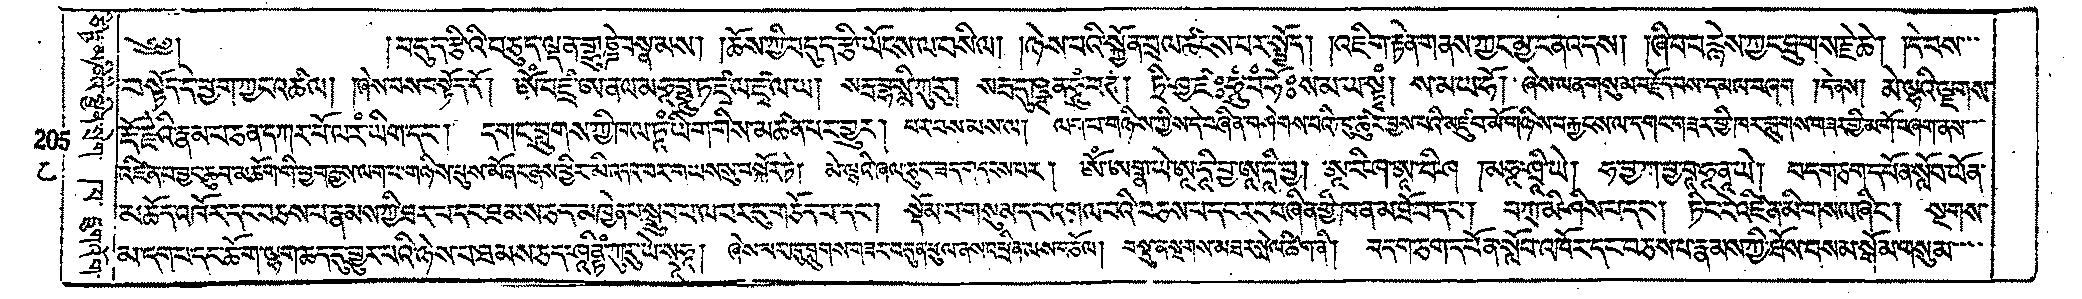༄༅། །བདུད་རྩིའི་བཅུད་ལྡན་གྷུཎྜེ་བསྣམས། །ཆོས་ཀྱི་བདུད་རྩི་ཡོངས་ལ་བསིལ། །ཉེས་པའི་སྐྱོན་བྲལ་ཚངས་པར་སྤྱོད། །འཇིག་རྟེན་གནས་ཀྱང་མྱ་ངན་འདས། །ཞི་བརྙེས་ཀྱང་ཐུགས་རྗེ་ཆེ། །དེ་བས་་་
བསྟོད་དེ་ཕྱག་ཀྱང་འཚལ། །ཞེས་བས་བསྟོད་དོ། ཨོཾ་བཛྲ་ཨ་ན་ལ་མཧཱ་བྷཱུ་ཏ་ཛྭ་ལ་ཛྭ་ལ་ཡ། སརྦ་བྷ་སྨི་ཀུ་རུ། སརྦ་དུ་ཥྚན་ཧཱུཾ་ཕཊ། ཏྲི་ཤྱ་ཛཿ ཧཱུཾ་བཾ་ཧོཿ ས་མ་ཡ་སྟྭཾ། ས་མ་ཡ་ཧོ། ཞེས་ལན་གསུམ་བརྗོད་པས་དམ་ལ་བཞག་།དེ་ནས། མེ་ལྷའི་ལྗགས་
རྡོ་རྗེའི་རྣམ་པ་ཅན་དཀར་པོ་ལ་རཾ་ཡིག་དང་། དགང་བླུགས་ཀྱི་ཁ་ལ་ཏཱཾ་ཡིག་གིས་མཚན་པར་གྱུར། པར་བསམས་ལ། ལག་པ་གཉིས་ཀྱིས་དེ་བཞིན་གཤེགས་པའི་ཁུ་ཚུར་བྱས་པའི་མཛུབ་མོ་གཉིས་བརྐྱངས་ལ་དགང་གཟར་གྱི་ཁར་བླུགས་གཟར་གྱི་མགོ་བཞག་ནས་་་
འཛིན་པ་བྱང་ཆུབ་མཆོག་གི་ཕྱག་རྒྱས་ལག་པ་གཉིས་པུས་མོ་ནང་ནས་ཕྱིར་མི་འདའ་བར་གཡས་སུ་བསྐོར་ཏེ། མེ་ལྷའི་ཞལ་ཅུང་ཟད་གདངས་པར། ཨོཾ་ཨགན་ཡེ་ཨཱ་དཱི་བྱ་ཨཱ་དཱི་བྱ། ཨཱ་བི་ཤ་ཨཱ་བི་ཤ་།མཧཱ་ཤྲཱི་ཡེ། ཧ་བྱ་ཀ་བྱ་བཱ་ཧཱ་ནཱ་ཡེ། བདག་ཅག་དཔོན་སློབ་ཡོན་
མཆོད་འཁོར་དང་བཅས་པ་རྣམས་ཀྱི་ཐར་པ་དང་ཐམས་ཅད་མཁྱེན་པ་སྒྲུབ་པ་ལ་བར་དུ་གཅོད་པ་དང་། སྡོམ་པ་གསུམ་དང་འགལ་བའི་བཅས་པ་དང་རང་བཞིན་གྱི་ཁ་ན་མ་ཐོ་བ་དང་། བཀྲ་མི་ཤིས་པ་དང་། ཏིང་ངེ་འཛིན་མི་གསལ་ཞིང་། སྔགས་
མ་དག་པ་དང་ཆོ་ག་ལྷག་ཆད་དུ་གྱུར་པའི་ཉེས་པ་ཐམས་ཅད་ཤཱནྟིཾ་ཀུ་རུ་ཡེ་སྭཱཧཱ། ཞེས་མར་ཁུ་བླུགས་གཟར་བདུན་ཕུལ་ནས་འཕྲིན་ལས་བཅོལ། བསྡུ་ན་སྔགས་མཐར་སྤེལ་ཚིག་ནི།  བདག་ཅག་དཔོན་སློབ་འཁོར་དང་བཅས་པ་རྣམས་ཀྱི་ཐོས་བསམ་སྒོམ་གསུམ་་་